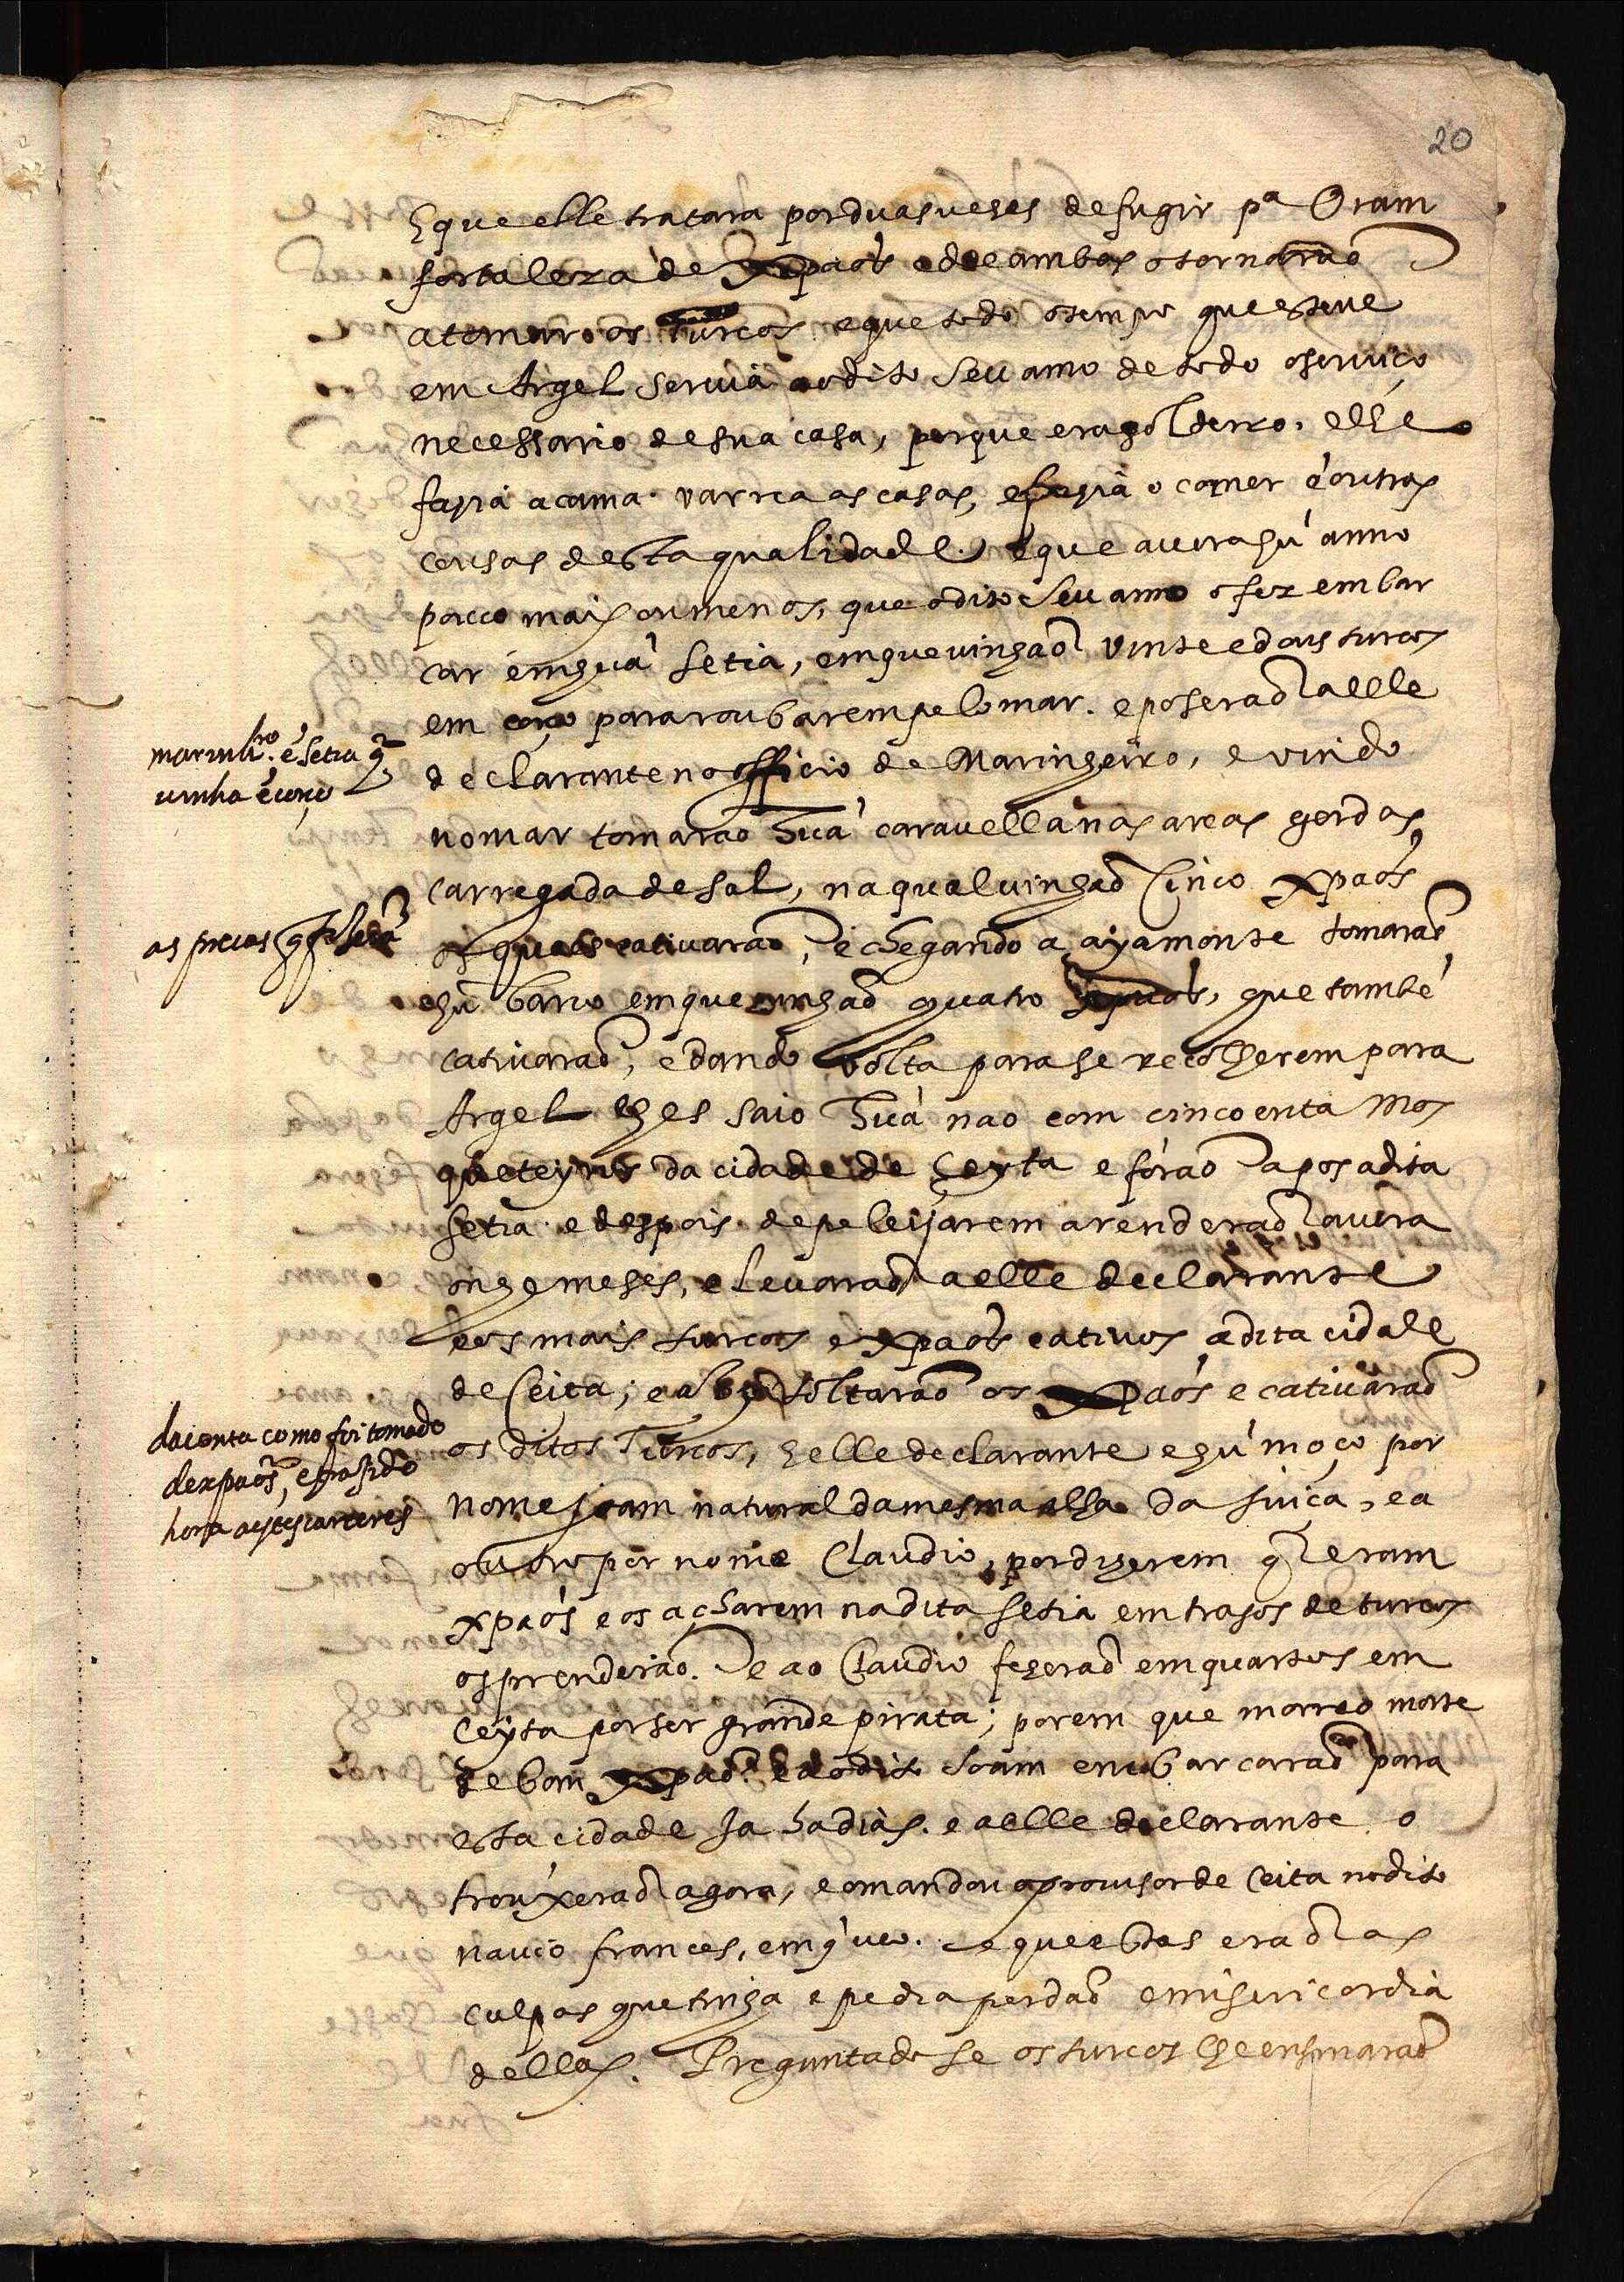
E que elle tratara por duas uezes de fugir pa Oram
fortaleza de Xpaõs e de ambas o tornaraõ
a tomar os turcos e que todo o tempo que esteue
em Argel seruia ao dito seu amo de todo o seruiço
necessario de sua casa, porque era solteiro, e lhe
fazia a cama varria as casas, e fazia o comer e outras
cousas desta qualidade e que auera hū anno
pouco mais ou menos, que o dito seu amo o fez embar
car em huā Setia, em que uinhaõ vinte e dous turcos
em corço para roubarem pelo mar. e poseraõ a elle
marinh.ro ē Setia q̄
uinha ē corço
declarante no officio de Marinheiro, e vindo
no mar tomarão huā carauella nas areas gordas,
carregada de saL, na qual uinhaõ Cinco Xpaõs
os presos q̄ fezerā
os quaes catiuaraõ, e chegando a ayamonte tomaraõ
hū barco em que uinhaõ quatro xpaõs, que tambē
catiuaraõ, e dando volta para se recolherem para
Argel lhes saio huā nao com cincoenta mos
queteyros da cidade de Ceyta e foraõ apos a dita
Setia e despois de peleijarem a renderaõ auera
onze meses, e leuaraõ a elle declarante
e os mais turcos e xpaõs catiuos a dita cidade
de Ceita; e ahy soltaraõ os xpaõs e catiuaraõ
da conta como foi tomado
de xpaõs, e trazido
hora a estes carceres
os ditos Turcos, E elle declarante e hū moço por
nome joam natural da mesma ilha da Iuiça, e a
outro por nome Claudio, por dizerem q̄ eram
xpaõs e os acharem na dita Setia em trajos de turcos
os prenderaõ. e ao Claudio fezeraõ em quartos em
Ceyta por ser grande pirata; porem que morreo morte
de bom Xpaõ. e ao dito Ioam embarcaraõ para
esta cidade Ja ha dia. e a elle declarante o
trouxeraõ agora, e o mandou a prouisor de Ceita no dito
nauio frances, em q̄ ueo. e que estas eraõ as
culpas que tinha e pedia perdaõ e misericordia
dellas. Preguntado se os turcos lhe ensinaraõ
